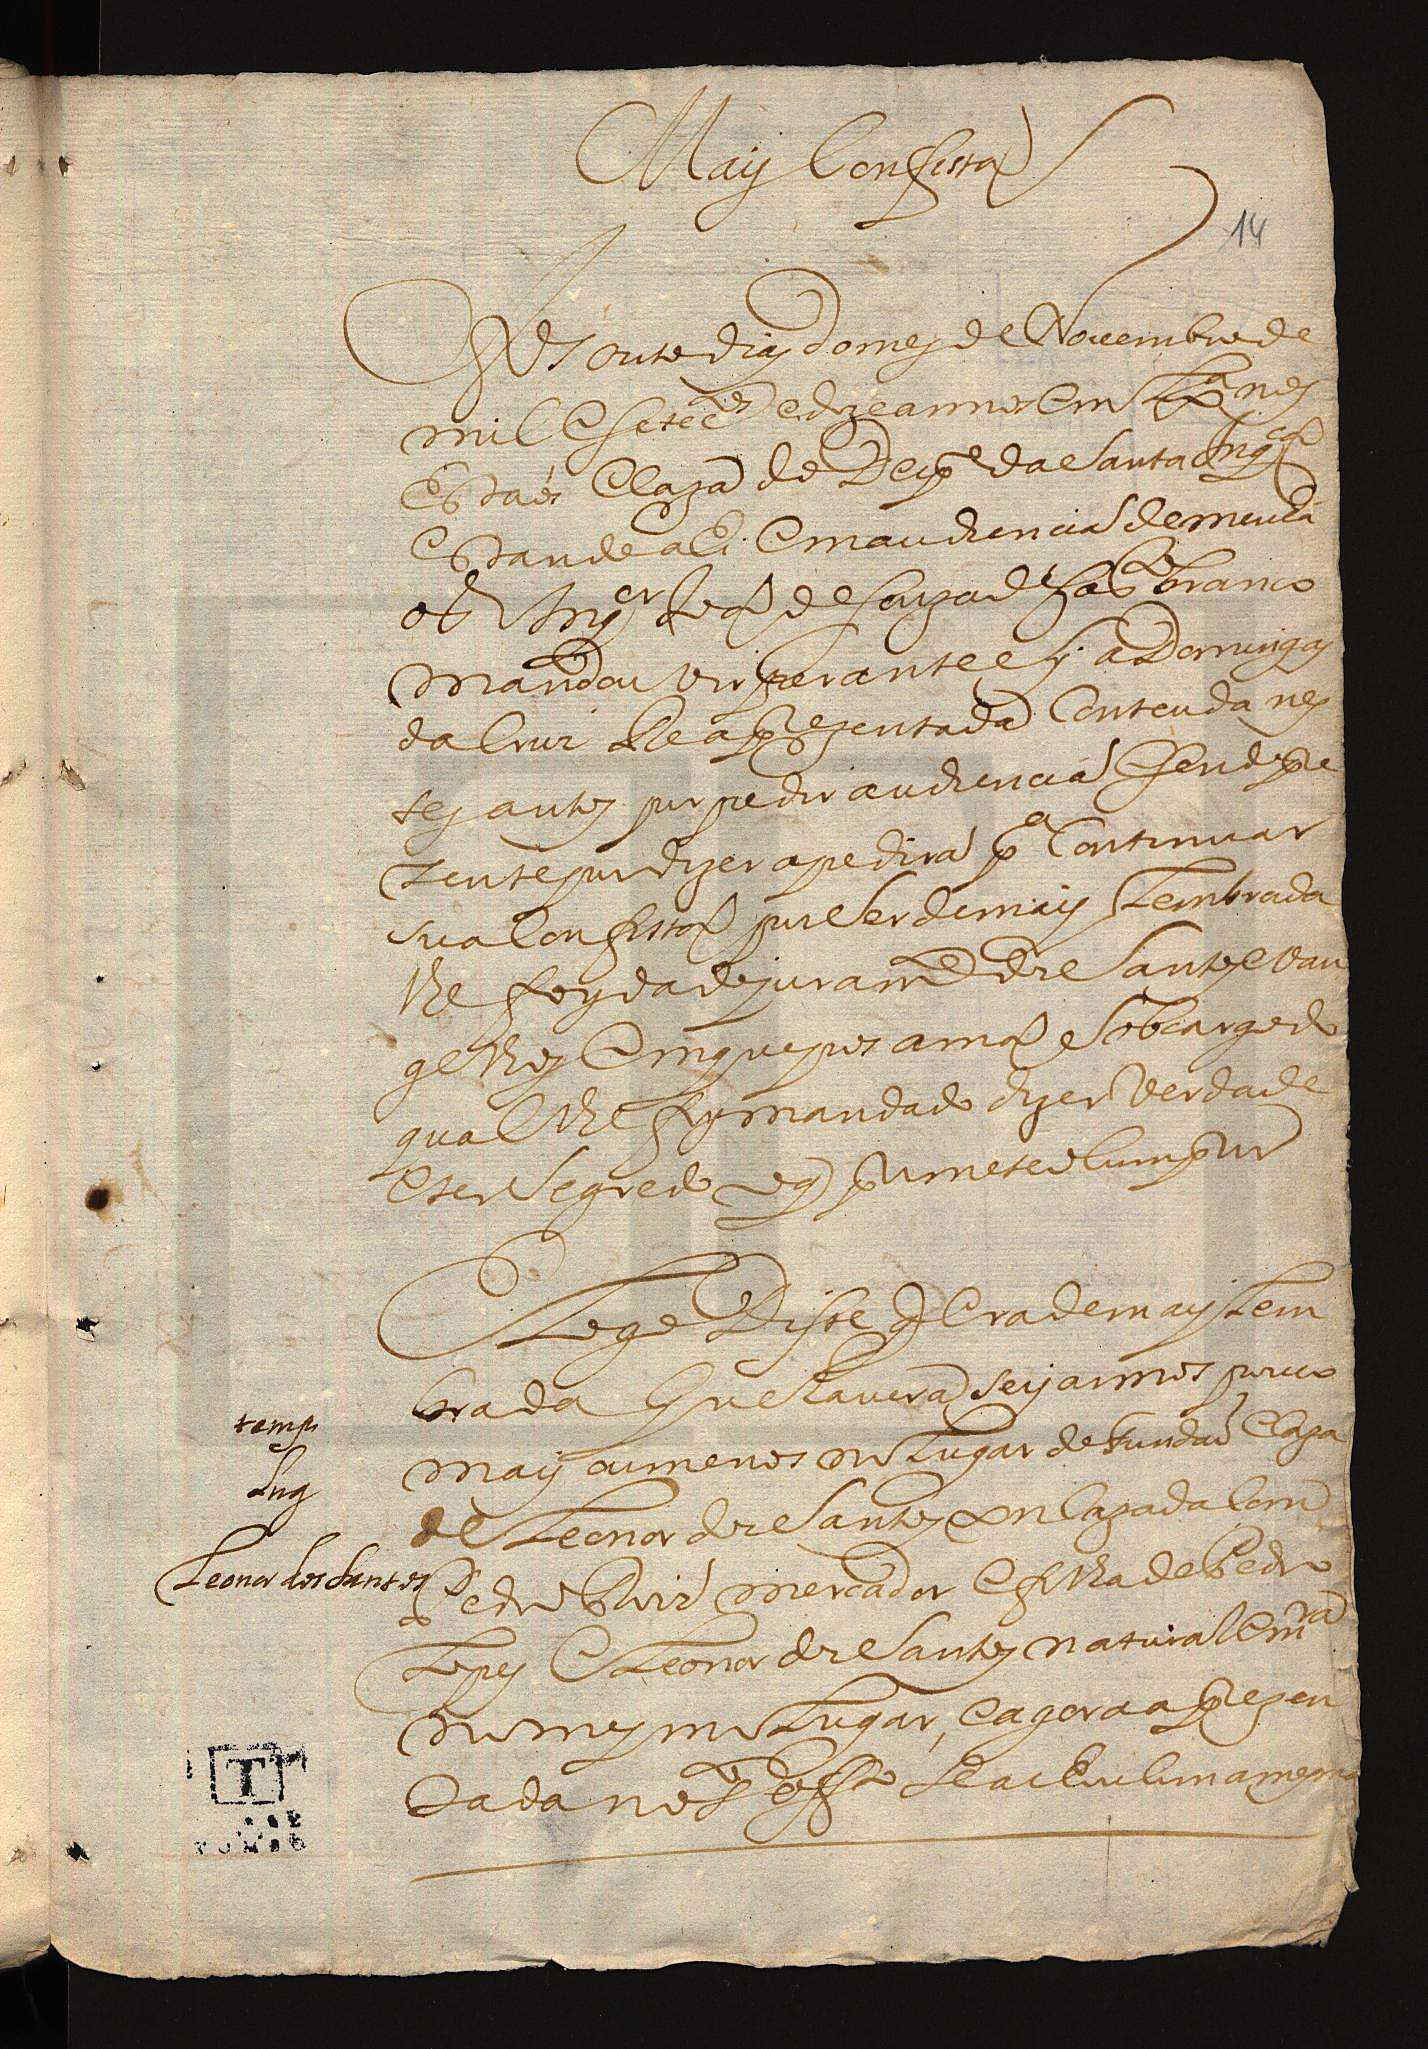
Mais Confissaõ
Aos outo dias do mes de Nouembro de
mil E setectos e doze annos em Lxa nos
Estaós E Caza do Desp.o da Santa Inq.caꝭ
Estando ahi Em audiencia de menhã
o sr Inqor Ioaꝭ de souza de Casto branco
mandou vir perante Sy a Domingas
da Cruz Re apRezentada Conteuda nes
tes autos por pedir audiencia E sendo pRe
zente por dizer a pedira pa Continuar
sua confissaꝭ por Ser de mais Lembrada
lhe foy dado juramto dos Santos evan
gelhos em que pos a maꝭ Sob cargo do
qual lhe foy mandado dizer verdade
e ter segredo o q̄ pRometeo CumpRir
E Logo Disse q̄ era de mais Lem
brada Que hauera seis annos pouco
temp
mais ou menos no Lugar do Fundaõ E Caza
Lug
de Leonor dos santos xn Cazada Com
Leonor dos Santos
Pedro Roiz̄ mercador E filha de Pedro
Lopes E Leonor dos Santos natural E m.ra
no mesmo Lugar, e agora apRezen
tada no sto offo se achou Com a mesm
